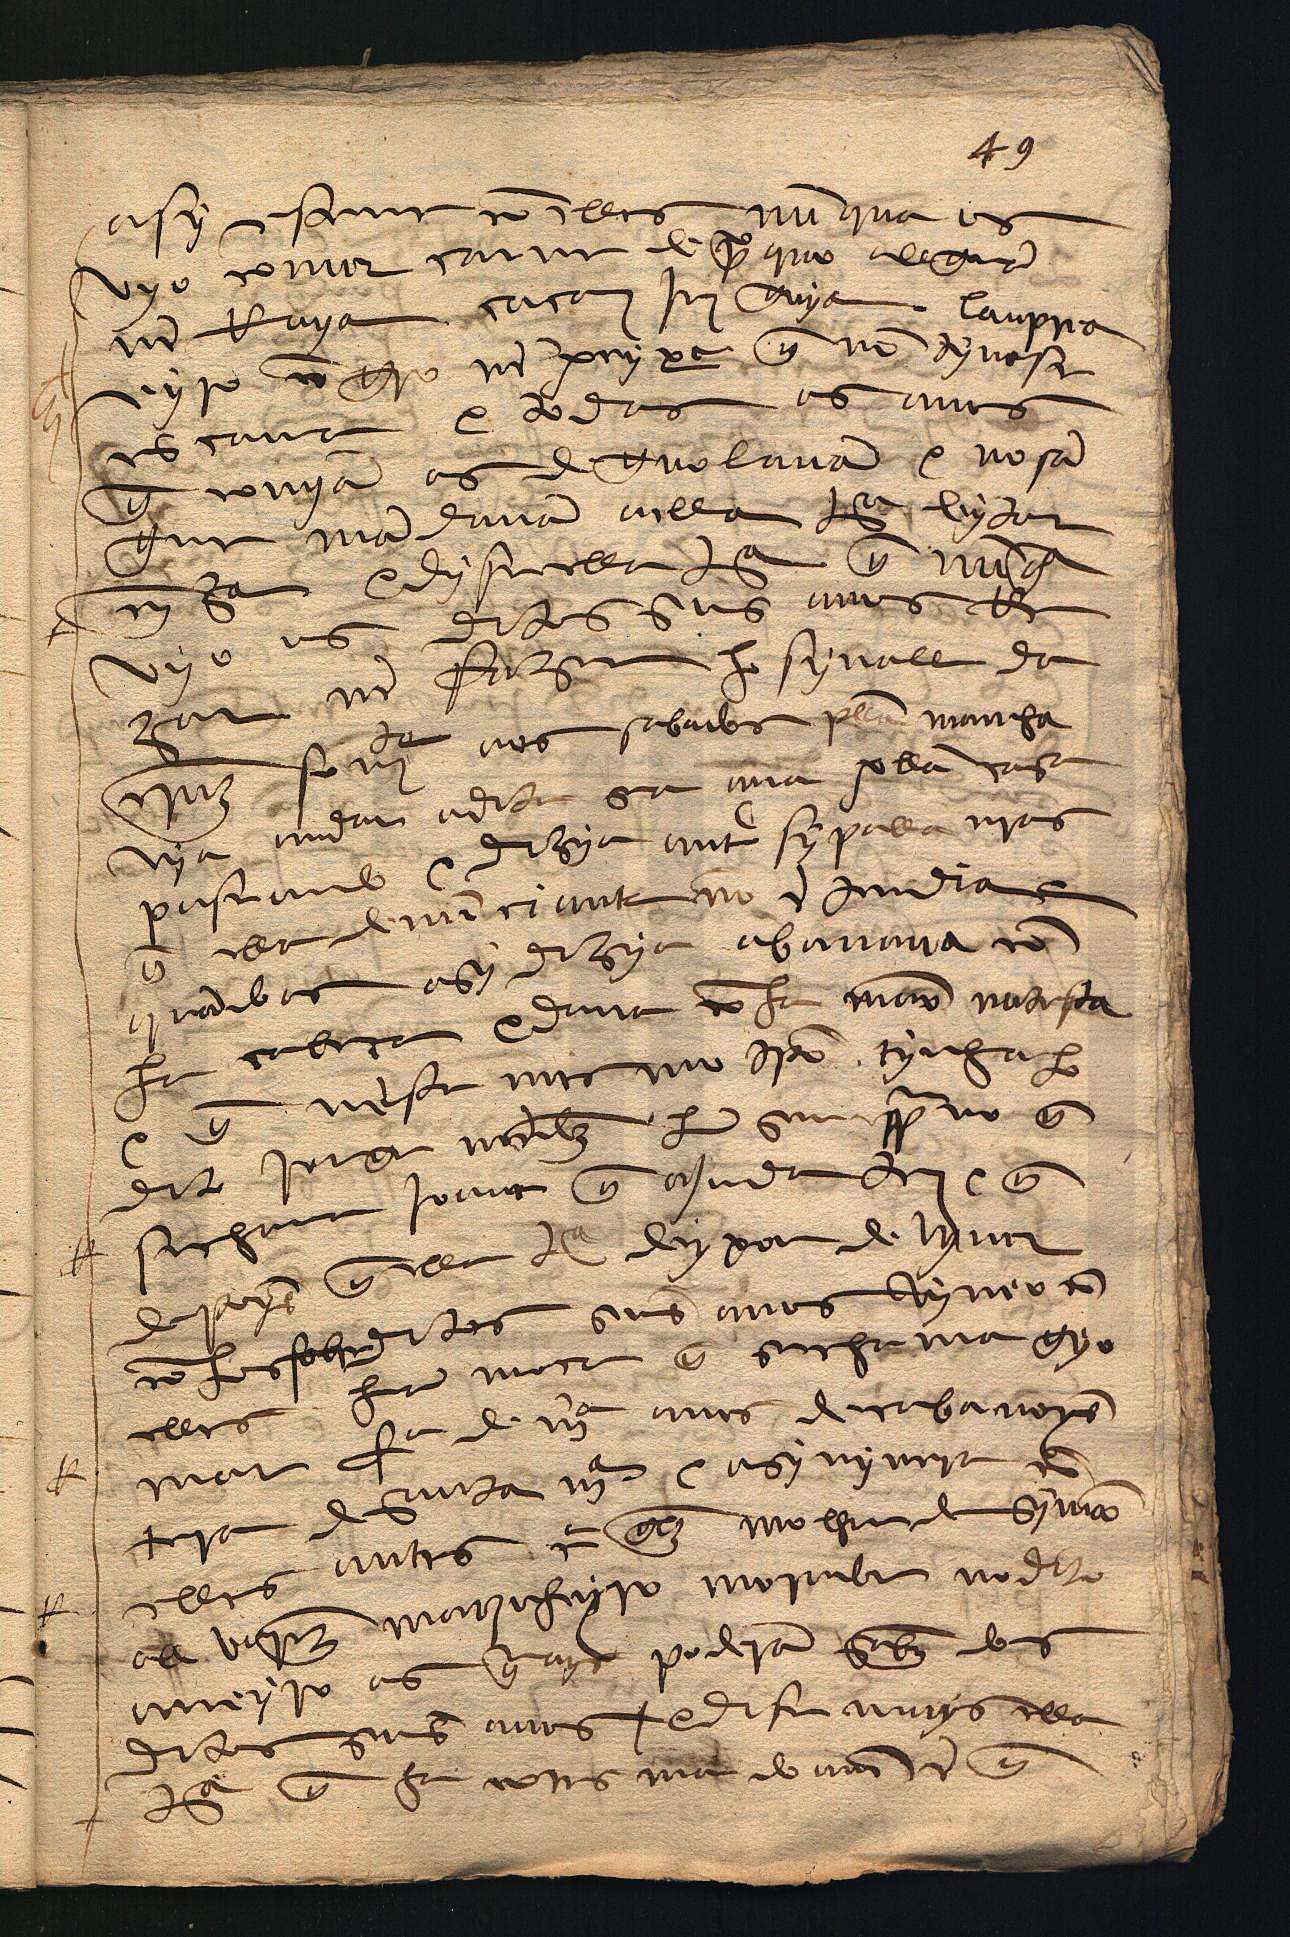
asy esteue cō elles nūqua os
vyo comer carne de p̄oquo allguā
nē Raya caçam Jmguya lanprea
eyro c̄ogro nē peyxe q̄ nō tyuese
escama e todas as aues
q̄ comjā as deguolauā e no sā
gue mādauā a ella tsa deytar
cȳza e dyse ella tsa q̄ nūq̄a
vyo os ditos seus amos Re
zar nē fazer ho synall da
cruz somte aos sabados pl̄la manha
vya andar a dita sua ama pllā casa
paseando e dizya ant̄ sy pallauras
q̄ ella denūciante n̄o ētendia e
quādo as asy dizya abanaua cō
ha cabeça e daua c̄o ha mão na testa
e q̄ neste mesmo tpō tynha ho
dito Jorge mēdez ho seu esp̄uo q̄
se chama Joanne q̄ aJnda tem e q̄
depoys q̄ ella ta deyxou de vyuer
c̄o hos sobreditos seus amos vyueo cō
elles huā moça q̄ se chama gyo
mar fa de ma anes de cabanoỹs
tera de santa ma e asy uyuera cō
elles antes ca ḡlz molher de symão
allvarez marjnheyro morador no dito
aueyro as q̄ays poderā sābr dos
ditos seus amos / e dise mays ella
tsa q̄ ha coresma do an̄o ē q̄
